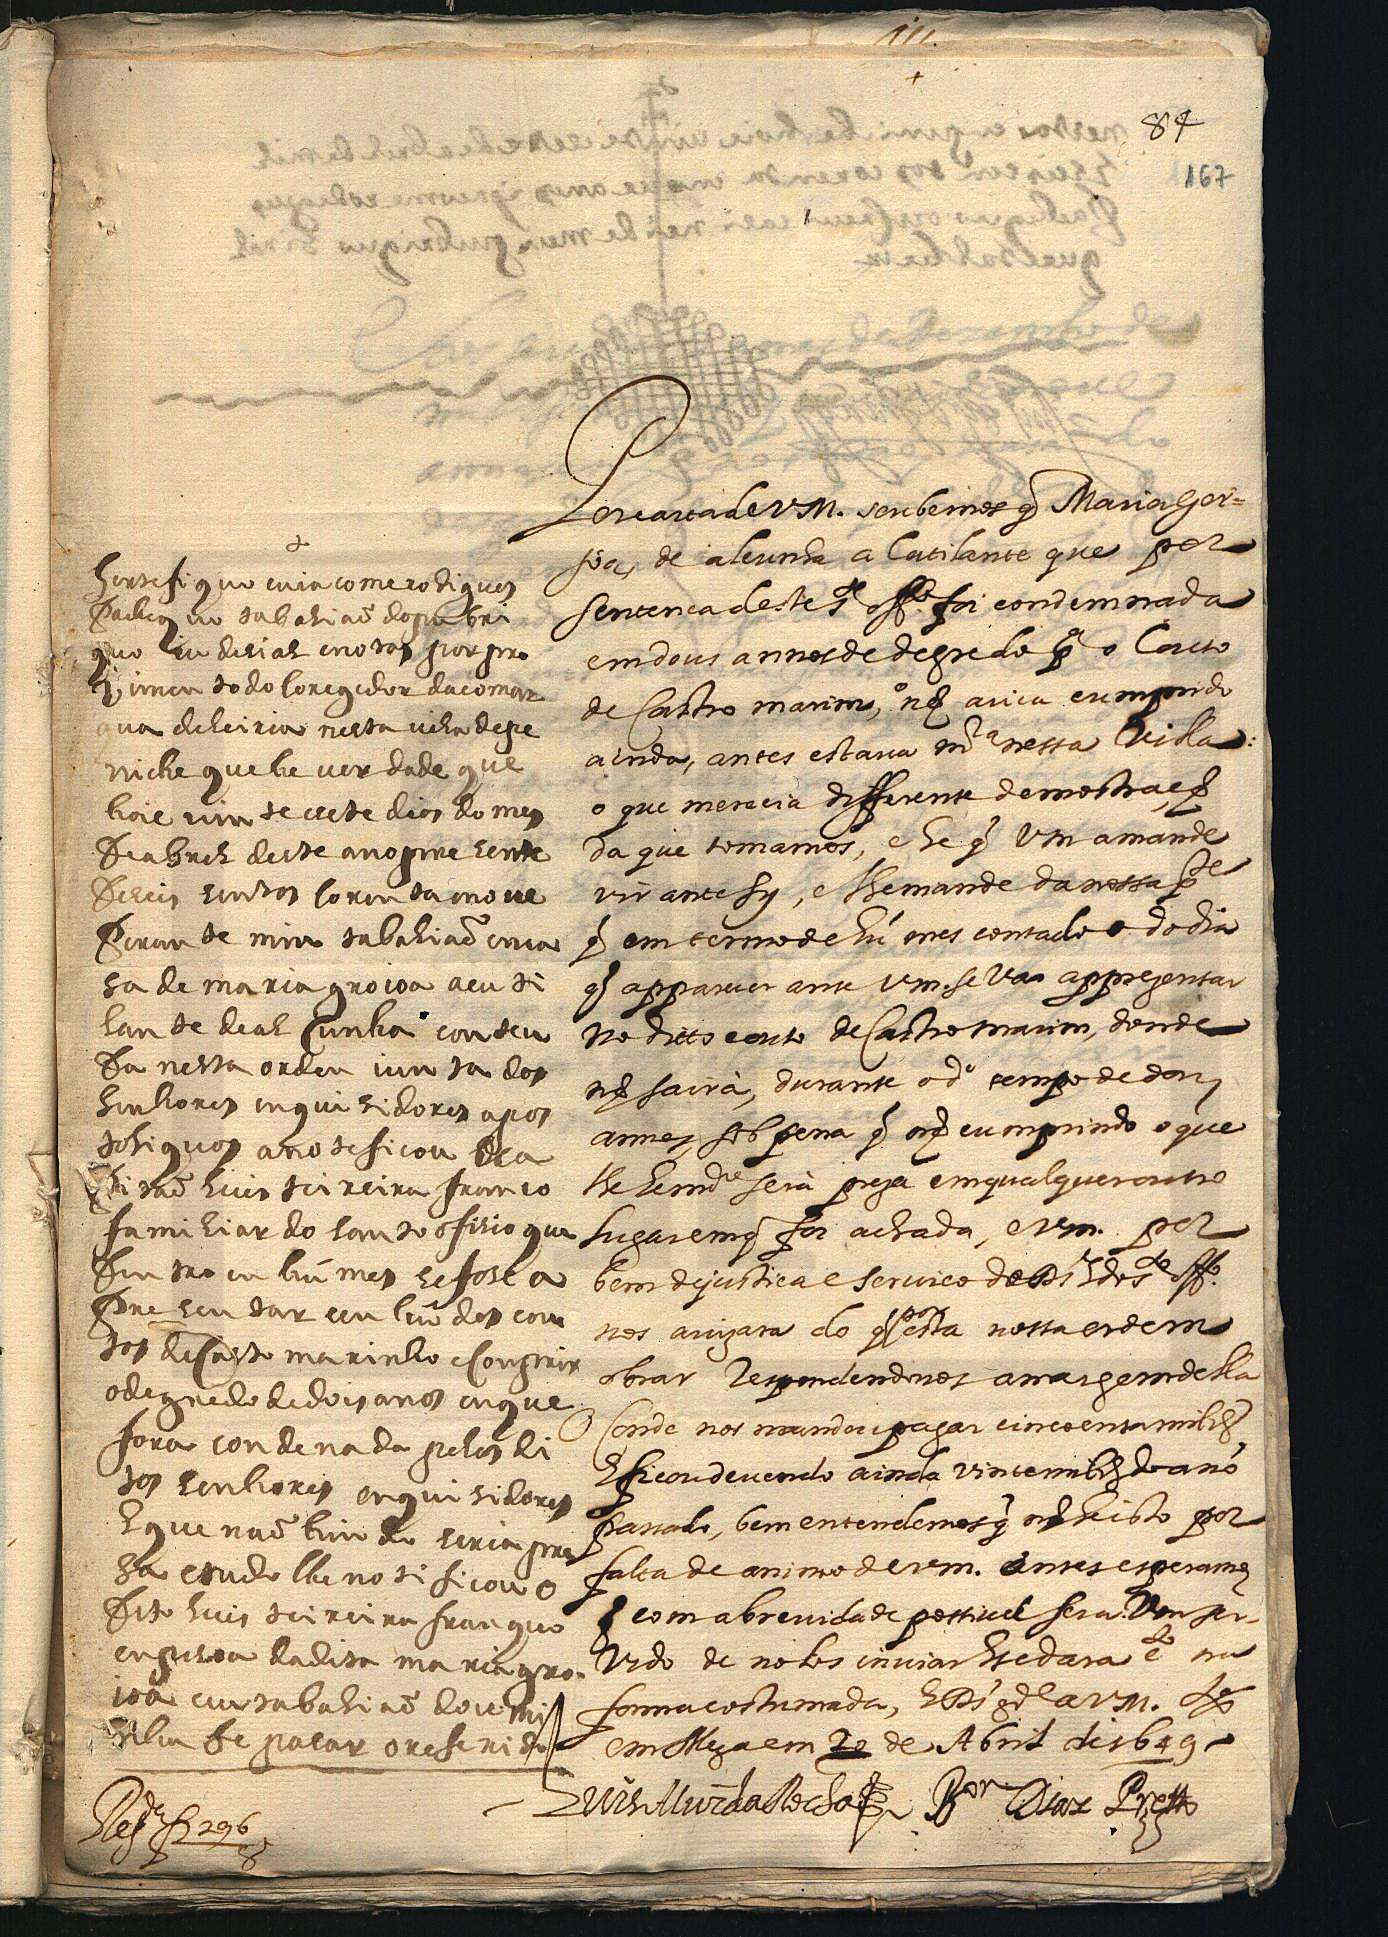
Por carta de V M. soubemos q̄. Maria Gor
joa, de alcunha a Cutilante que por
sentença deste sto offo foi condemnada
em dous annos de degredo pa o Couto
de Castro marim, o naõ auia cumprido
ainda, antes estaua mra nessa Villa:
o que merecia differente demostraçaõ
da que tomamos, e he q̄ Vm a mande
vir ante sy, e lhe mande da nossa pte
q̄ em termo de hū mes contado o do dia
q̄ apparecer ante vm se va apprezentar
no dito couto de Castro marim, donde
naõ sairà, durante o do tempo de dous
annos, sob pena q̄ naõ cumprindo o que
lhe he mdo serà preza em qualquer outro
lugar em q̄ foi achada, e vm. por
bem de justiça e seruiço de Ds̄ E do sto off.o
nos auizara do q̄ por esta nossa ordem
obrar Respondendonos a margem della
O Conde nos mandou pagar cincoenta mil rs̄
E ficou deuendo ainda vinte mil rs̄ do anō
passado, bem entendemos q̄ naõ he isto por
falta de animo de vm. antes esperamos
q̄ com a breuidade possiuel sera Vm ser
vido de no los inuiar E se dara cto na
forma costumada, E Ds̄ gde a vm. Lxa
em Meza em 20 de Abril de 1649
Luis Aluz̄ da Rocha
Bor Diaz Pretto
Regda fl 296
Sertefiquo eu iacome rodrigues
Pachequo tabaliaõ do pubri
quo iudisial e notas por pro
vimento do Coregedor da comar
qua de leiria nesta uila de pe
niche que he uerdade que
hoie uinte e sete dias do mes
De abril deste ano presente
De seissentos Corenta e noue
Perante mm tabaliaõ en ca
sa de maria groioa a cuti
lante de alCunha conteu
Da nesta onden iunta dos
Senhores inquisidores apos
toliquos a noteficou O ca
Pitaõ luis teixeira franco
familiar do santo ofisio que
Dentro en hū mes se fose a
Presentar em huū dos cou
tos de Casto marinho e Conprir
o degredo de dois anos en que
fora condenada pelos di
dos senhores enquisidores
E que naõ hindo seria pre
sa e tudo lhe notificou o
Dito luis teixeira franquo
en pesoa da dita maria gro
ioa e eu tabaliaõ dou mi
nha fe pasar o referido
